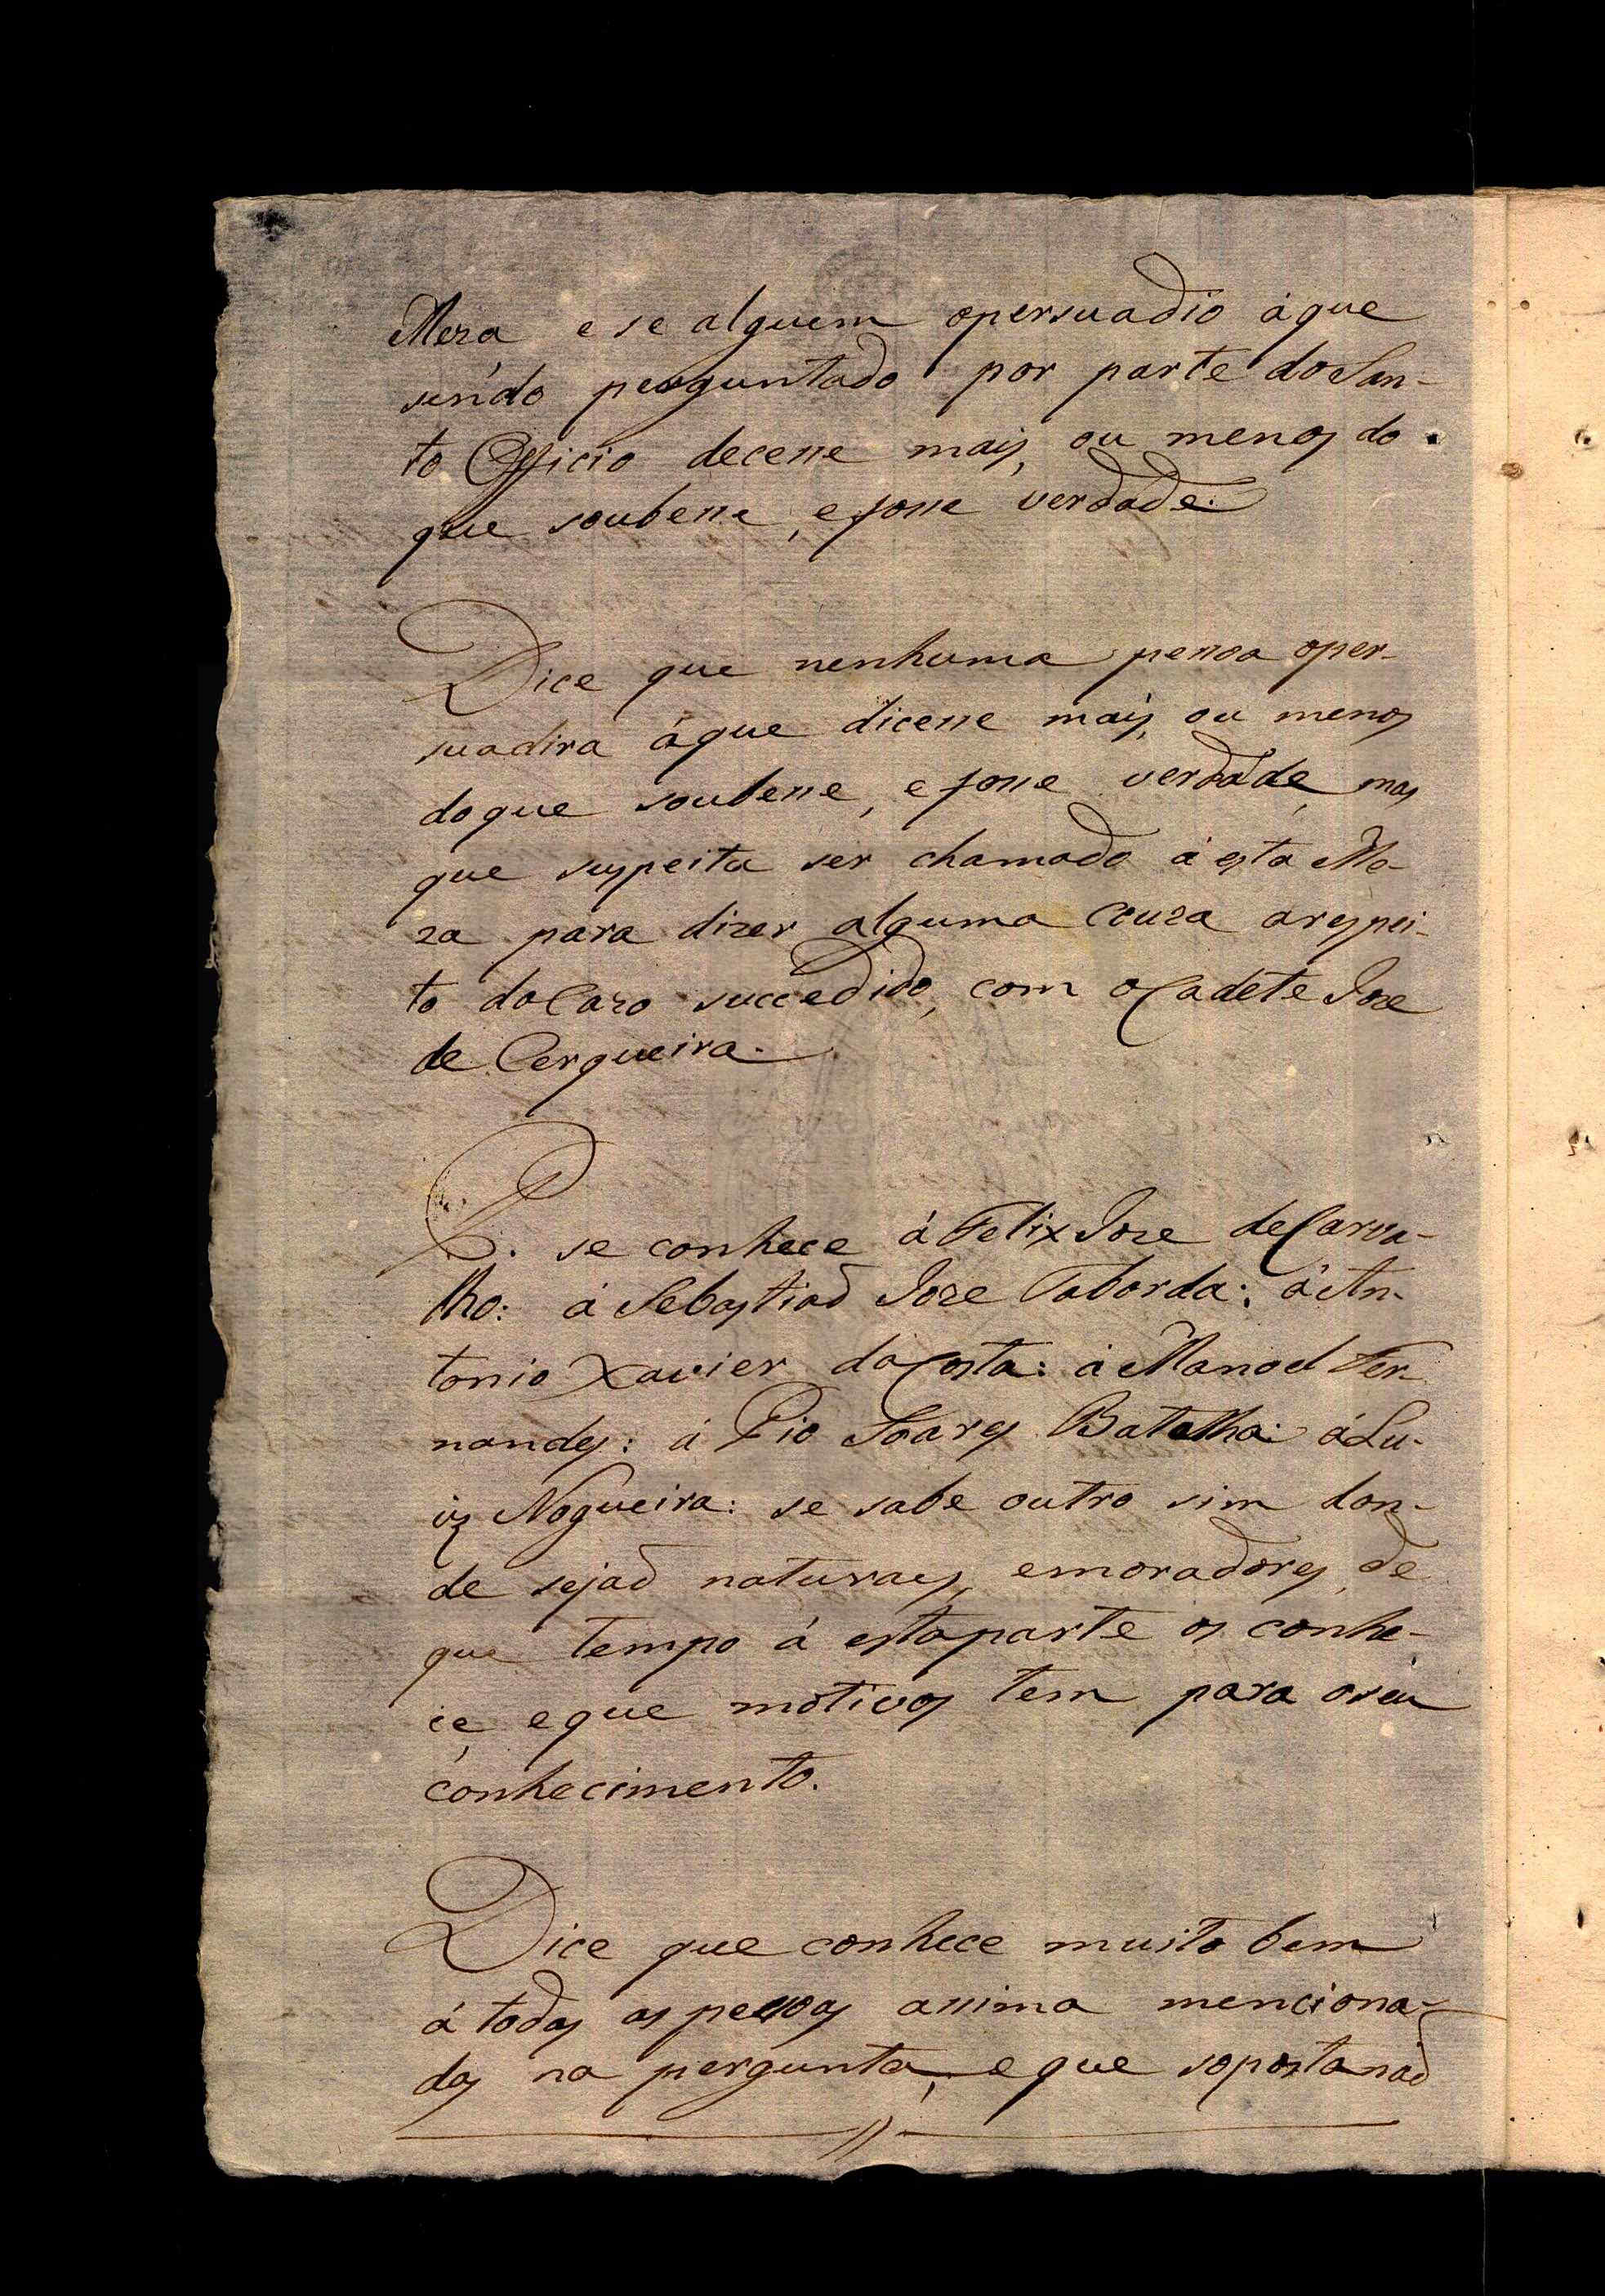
Meza, e se alguem o persuadio á que
sendo perguntado por parte do San
to Officio decesse mais, ou menos do
que soubesse, e fosse verdade.
Dice que nenhuma pessoa o per
suadira á que dicesse mais, ou menos
do que soubesse, e fosse verdade mas
que suspeita ser chamado á esta Me
za para dizer alguma couza a respei
to do cazo succedido, com o Cadete Ioze
de Cerqueira.
P. se conhece á Felix Ioze de Carva
lho: á Sebastiaõ Ioze Taborda: á An
tonio Xavier da Costa: á Manoel Fer
nandes: á Pio Soares Batalha: á Lu
iz Nogueira: se sabe outrosim don
de sejaõ naturaes, e moradores, de
que tempo á esta parte os conhe
ce, e que motivos tem para o seu
conhecimento.
Dice que conhece muito bem
á todas as pessoas assima menciona
das na pergunta, e que soposta naõ
